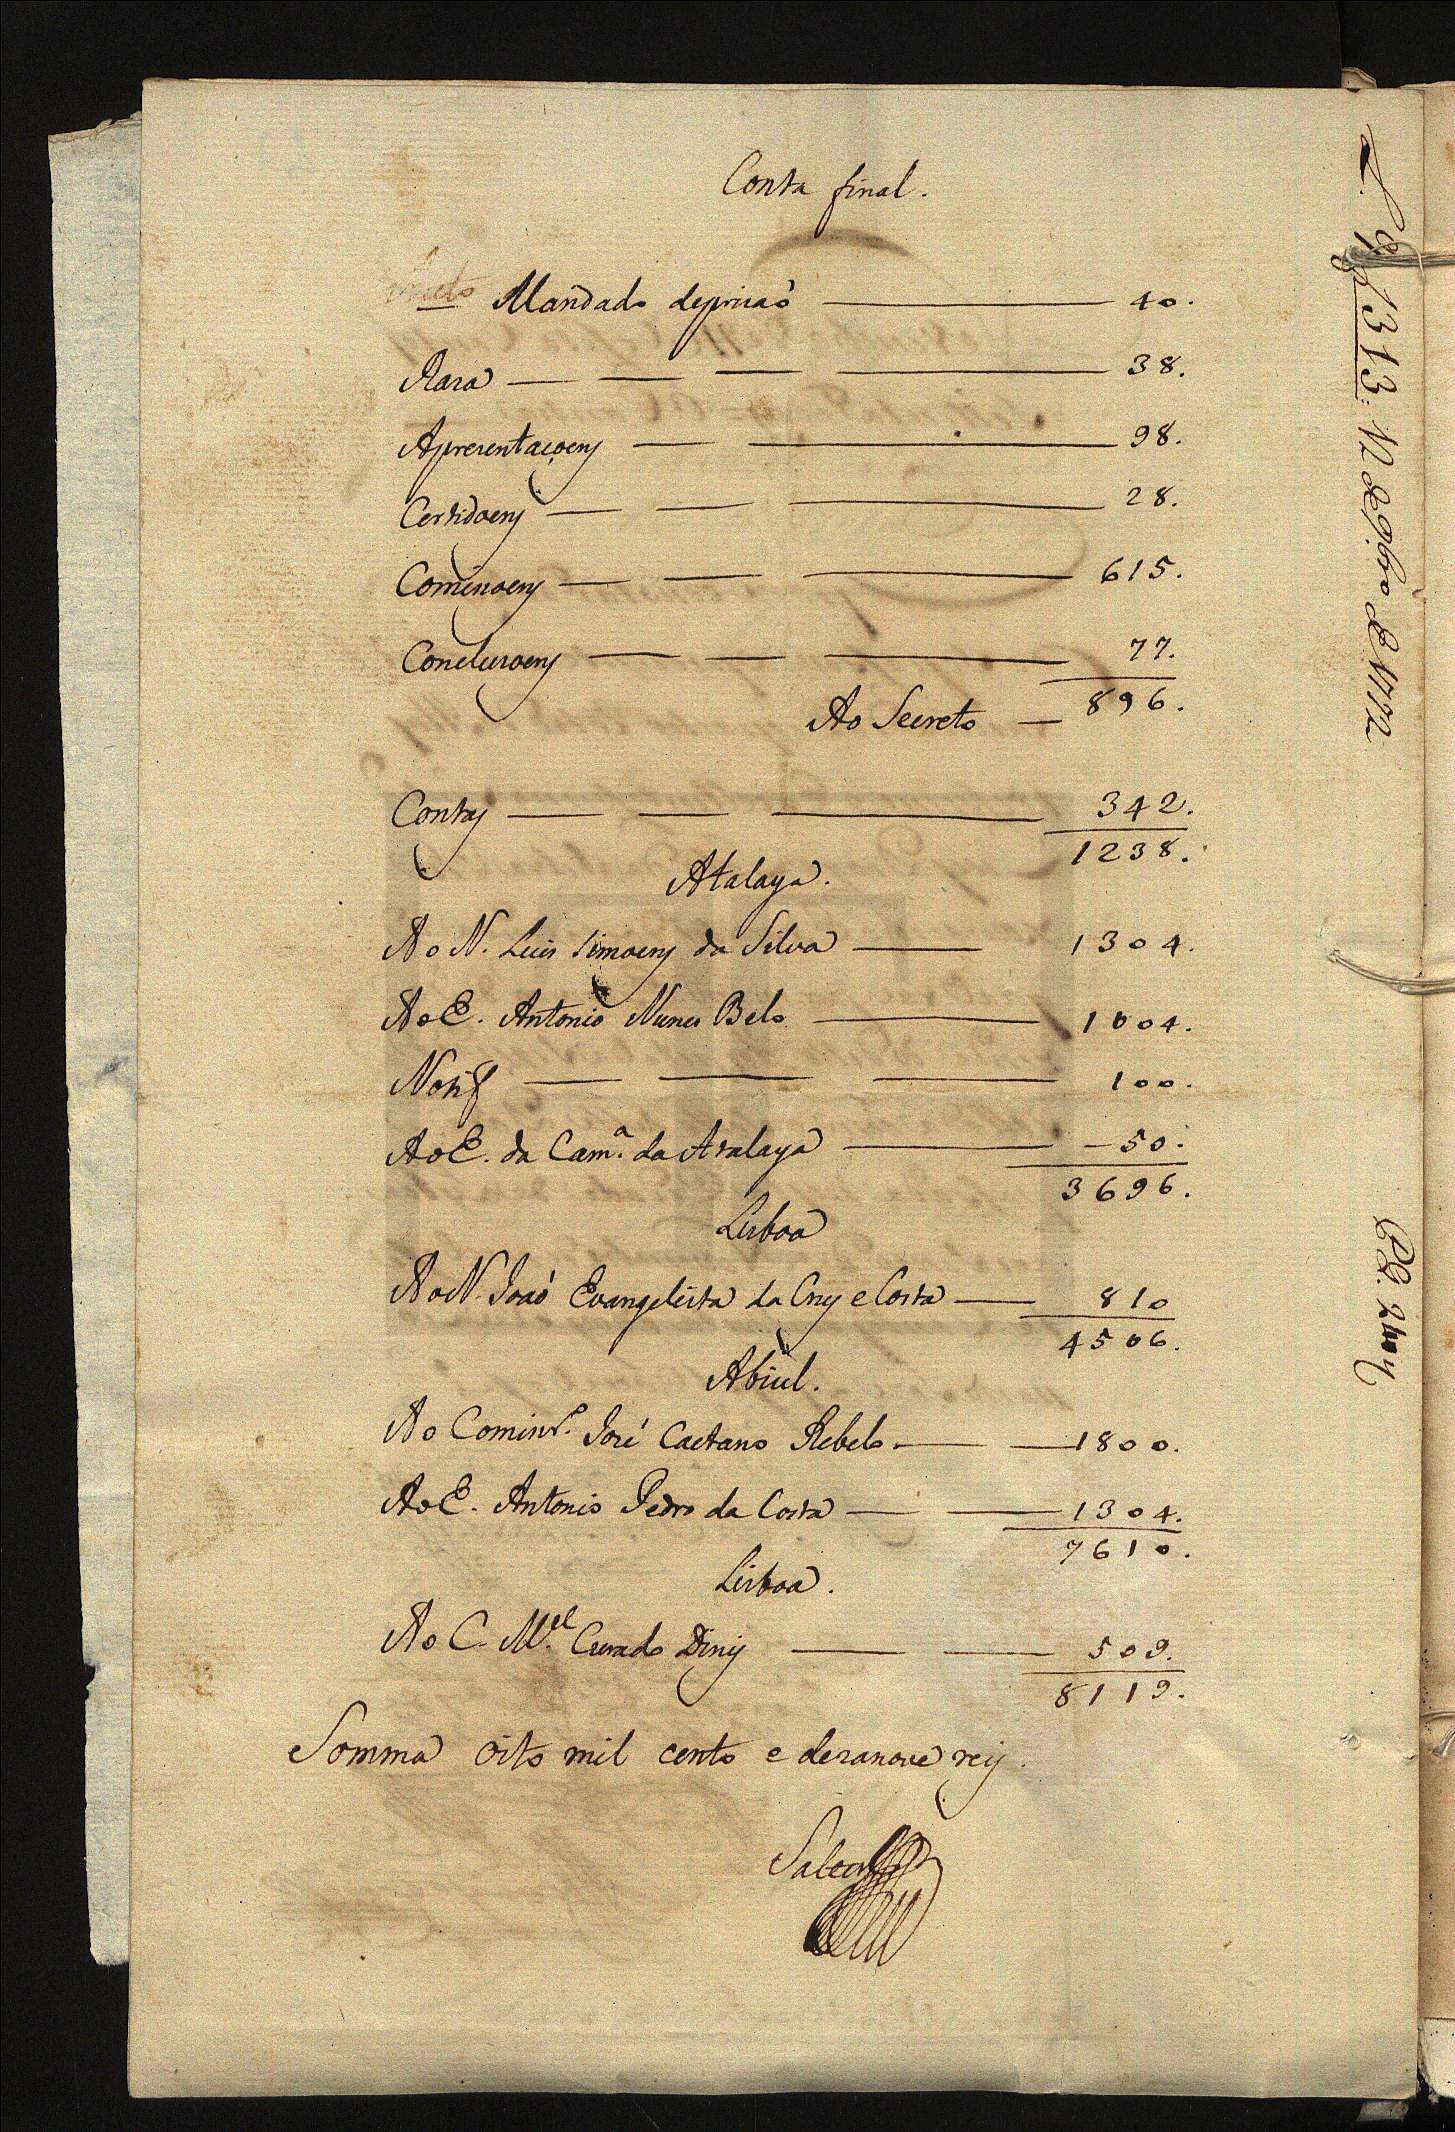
Conta final.
Auto Mandado de prizaõ 40.
Raza 38.
Aprezentaçoens 98.
Certidoens 28.
Comissoens 615.
Concluzoens 77.
Ao Secreto 896.
Contas 342.
1238.
Atalaya.
Ao N. Luis Simoens da Silva 1304.
Ao E. Antonio Nunes Belo 1004.
Notif 100.
Ao E. da Cam.a da Atalaya 50.
3696
Lisboa
Ao N. Ioaõ Evangelista da Crus e Costa 810
1506.
Abiul.
Ao Comissr.o Iozé Caetano Rebelo 1800.
Ao E. Antonio Pedro da Costa 1304.
7610.
Lisboa.
Ao C. M.el Curado Dinis 509.
8119.
Somma oito mil cento e dezanoue reis
Salter
L.o f 1313: 12 de 9.bro d̄ 1772
PG. 240 rs
